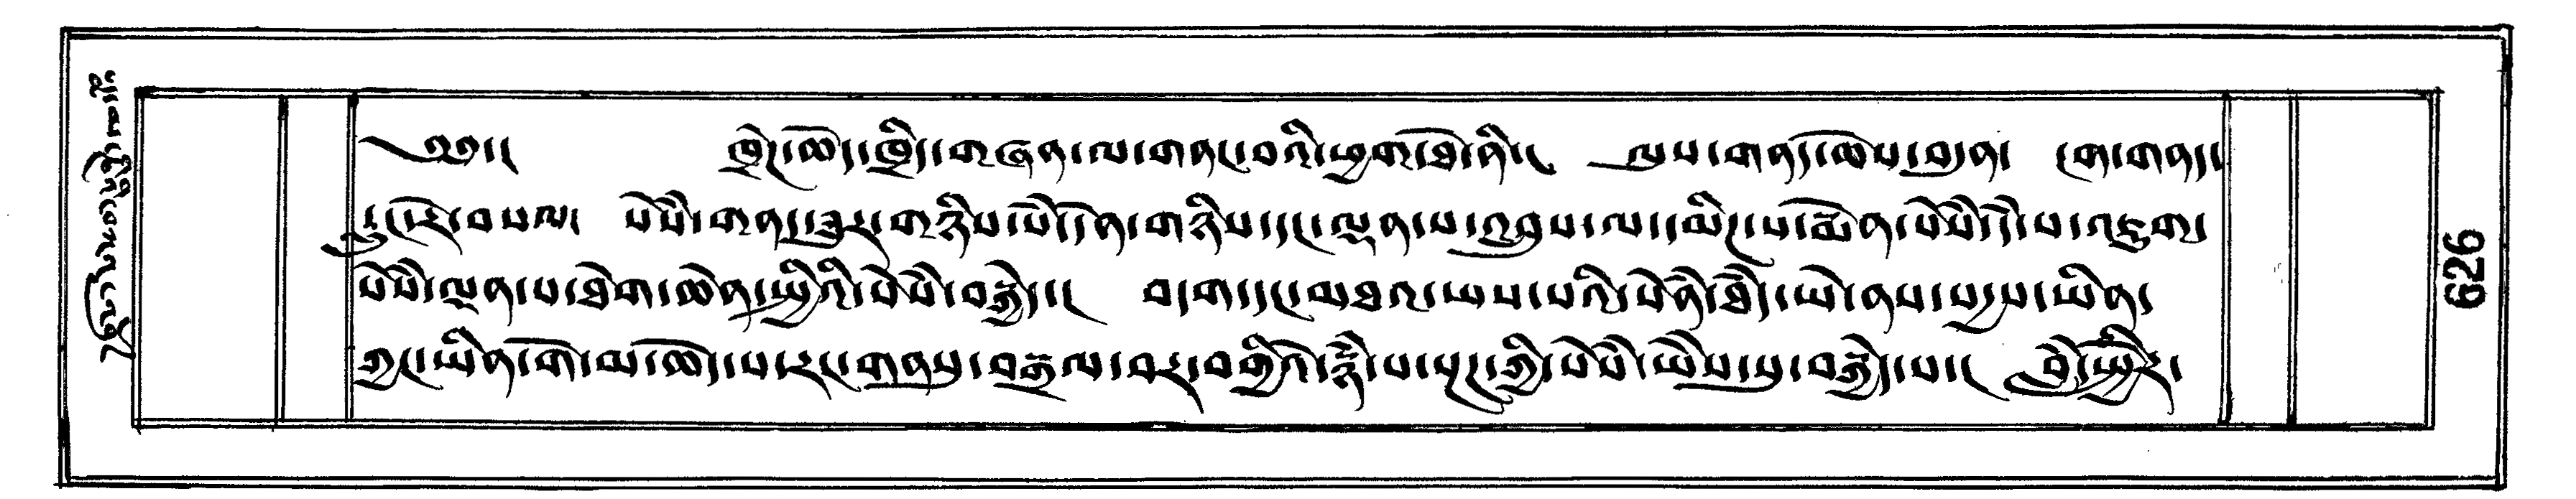༄༅། ཁྲེགས་ཆོད་ཁྲིད་གཞན་ལ་གནང་བའི་ཕྱག་ཐོ་ནི། ལུས་གནད་ཆོས་བདུན། ངག་གནད་
རླུང་རོ་བསལ། སེམས་གནད་ཟུར་གཉིས་སམ་དོན་གཉིས་དང་ལྡན་པ། འབྲས་བུ་ལ་དམིགས་པ་སྨོན་སེམས་ ( དམ་པ་འཇུག་
སེམས་ལྡན་པ་ ? )ཐེག་ཆེན་སྤྱིའི་སེམས་བསྐྱེད། བདག་དང་མཐའ་ཡས་པའི་སེམས་ཅན་ཐམས་ཆད་ཡེ་ནས་སངས་རྒྱས་ཡིན་ཀྱང་ཡིན་
གོ་མ་ཆོད་པས་རང་གནས་སུ་བསྒྲལ་བར་བགྱིའོ་སྙམ་པ་སྔགས་ཀྱི་སེམས་ཡེ་ཤེས་སུ་བསྐྱེད་པ། བླ་མ་སྤྱི་བོར་